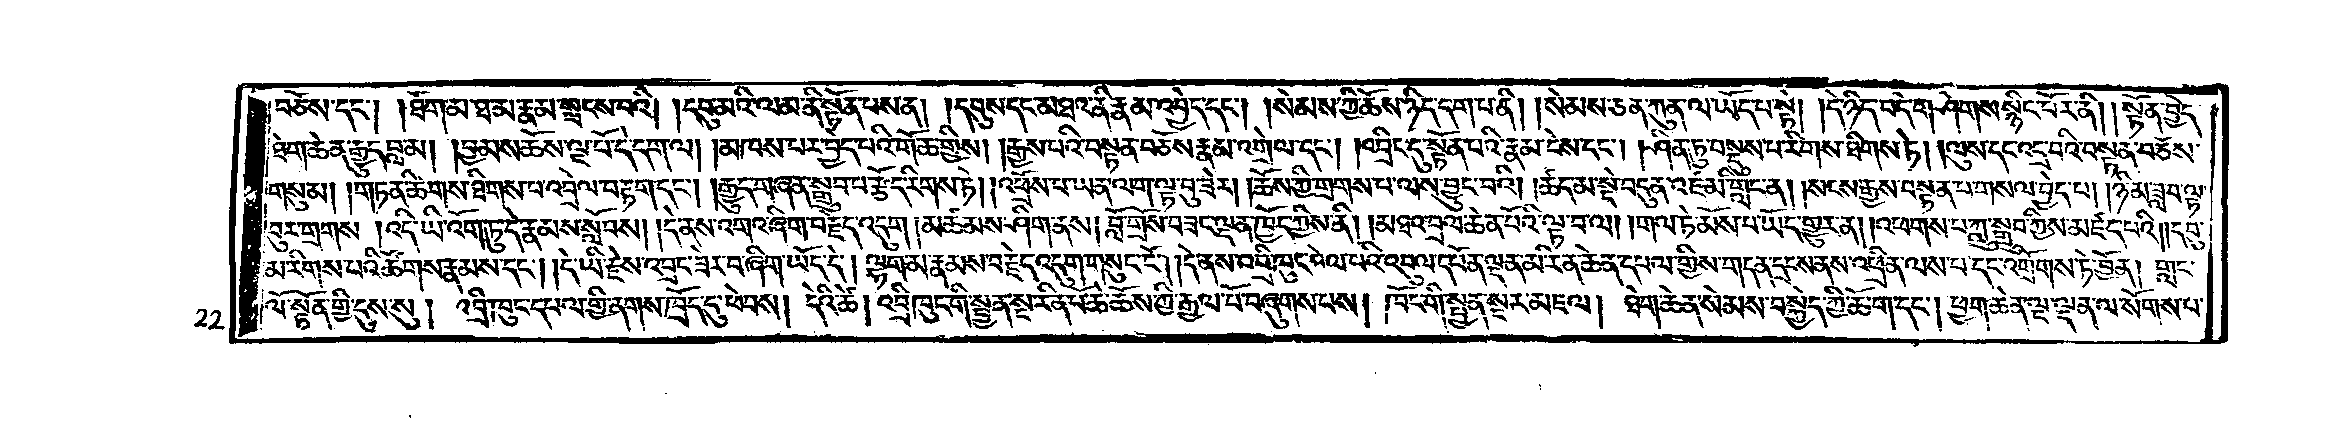བཅོས་དང་། །ཐོག་མ་ཐ་མ་རྣམ་སྤངས་པའི། །དབུ་མའི་ལམ་ནི་སྟོན་པས་ན། །དབུས་དང་མཐའ་ནི་རྣམ་འབྱེད་དང་། །སེམས་ཀྱི་ཆོས་ཉིད་དག་པ་ནི། །སེམས་ཅན་ཀུན་ལ་ཡོད་པ་སྟེ། །དེ་ཉིད་བདེ་གཤེགས་སྙིང་པོར་ནི། །སྟོན་བྱེད་
ཐེག་ཆེན་རྒྱུད་བླ་མ། །བྱམས་ཆོས་ལྔ་པོ་དེ་དག་ལ། །མཁས་པར་བྱེད་པའི་གོ་ཆ་གྱིས། །རྒྱས་པའི་བསྟན་བཅོས་རྣམ་འགྲེལ་དང་། །འབྲིང་དུ་སྟོན་པའི་རྣམ་ངེས་དང་། །ཤིན་ཏུ་བསྡུས་པ་རིགས་ཐིགས་ཏེ། །ལུས་དང་འདྲ་བའི་བསྟན་བཅོས་
གསུམ། །གཏན་ཚིགས་ཐིགས་པ་འབྲེལ་བརྟག་དང་། །རྒྱུད་གཞན་སྒྲུབ་པ་རྩོད་རིགས་ཏེ། །འཕྲོས་པ་ཡན་ལག་ལྟ་བུ་ཟེར། །ཆོས་ཀྱི་གྲགས་པ་ལས་བྱུང་བའི། །ཚད་མ་སྡེ་བདུན་འཛམ་གླིང་ན། །སངས་རྒྱས་བསྟན་པ་གསལ་བྱེད་པ། །ཉི་མ་ཟླ་བ་ལྟ་
བུར་གྲགས་།འདི་ཡི་འོག་ཏུ་དེ་རྣམས་སློབས། །དེ་ནས་འགའ་ཞིག་བརྗེད་འདུག །མཚམས་ཤིག་ནས། བློ་གྲོས་བཟང་ལྡན་ཁྱོད་ཀྱིས་ནི། །མཐའ་བྲལ་ཆེན་པོའི་ལྟ་བ་ལ། །གལ་ཏེ་མོས་པ་ཡོད་གྱུར་ན། །འཕགས་པ་ཀླུ་སྒྲུབ་ཀྱིས་མཛད་པའི། །དབུ་
མ་རིགས་པའི་ཚོགས་རྣམས་དང་། །དེ་ཡི་རྗེས་འབྲང་ཟེར་བ་ཞིག་ཡོད་དེ། ལྷག་མ་རྣམས་བརྗེད་འདུག་གསུང་ངོ། །དེ་ནས་འབྲི་ཁུང་ཐེལ་པའི་འབུལ་དཔོན་ལྡན་མ་རིན་ཆེན་དཔལ་གྱིས་གདན་དྲངས་ནས་འཕྲིན་ལས་པ་དང་འགྲོགས་ཏེ་བྱོན། གླང་
ལོ་སྟོན་གྱི་དུས་སུ། འབྲི་ཁུང་དཔལ་གྱི་ནགས་ཁྲོད་དུ་ཕེབས། དེའི་ཚེ། འབྲི་ཁུང་གི་སྤྱན་སྔ་རིན་པོ་ཆེ་ཆོས་ཀྱི་རྒྱལ་པོ་བཞུགས་པས། ཁོང་གི་སྤྱན་སྔར་མཇལ། ཐེག་ཆེན་སེམས་བསྐྱེད་ཀྱི་ཆོ་ག་དང་། ཕྱག་ཆེན་ལྔ་ལྡན་ལ་སོགས་པ་